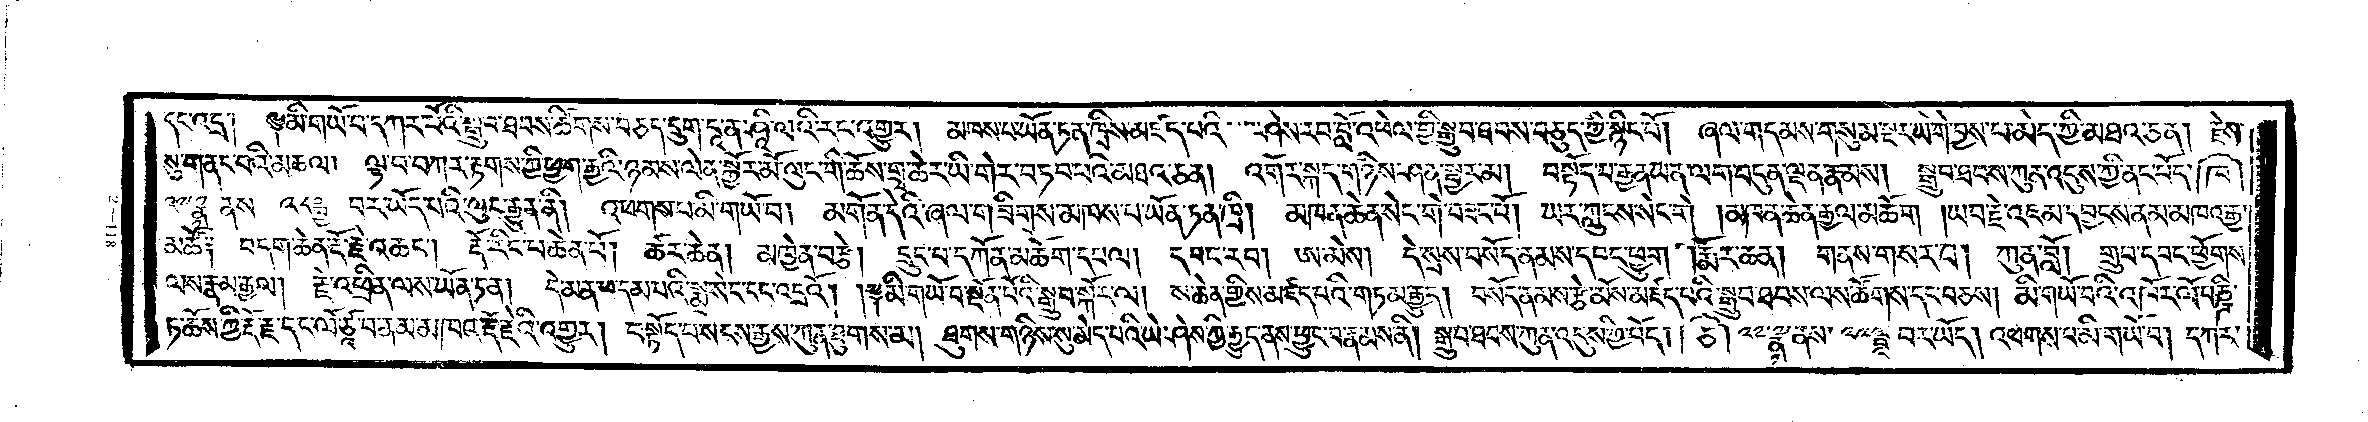དང་འདྲ། ༈ མི་གཡོ་བ་དཀར་པོའི་སྒྲུབ་ཐབས་ཚིགས་བཅད་དྲུག་དཱ་ན་ཤཱི་ལའི་རང་འགྱུར། མཁས་པ་ཡོན་ཏན་ཁྲིས་མཛད་པའི་ཤེས་རབ་བློ་འཕེལ་གྱི་སྒྲུབ་ཐབས་བཅུད་ཀྱི་སྙིང་པོ། ཞལ་གདམས་གསུམ་སྔར་ཡེ་གེ་བྱས་པ་མེད་ཀྱི་མཐའ་ཅན། རྗེས་
སུ་གནང་བའི་མཆལ། ལྟ་བ་བཀར་རྟགས་ཀྱི་ཕྱག་རྒྱའི་ཉམས་ལེན་སྐྱོར་མོ་ལུང་གི་ཆོས་གྲྭ་ཆེར་ཡི་གེར་བཏབ་པའི་མཐའ་ཅན། འགོར་སྐད་གཉིས་ཤན་སྦྱར་མ། བསྟོད་པ་རྒྱན་ཡན་ལག་བདུན་ལྡན་རྣམས། སྒྲུབ་ཐབས་ཀུན་འདུས་ཀྱི་ནང་པོད ༼ཁ༽
༢༧༡ན༡་ནས ༢༨༠བ༤་བར་ཡོད་པའི་ལུང་རྒྱུན་ནི། འཕགས་པ་མི་གཡོ་བ། མགོན་དེའི་ཞལ་གཟིགས་མཁས་པ་ཡོན་ཏན་ཁྲི། མཁན་ཆེན་སེང་གེ་བཟང་པོ། ཡར་ཀླུངས་སེང་གེ །མཁན་ཆེན་རྒྱལ་མཆོག །ཡབ་རྗེ་འཇམ་དབྱངས་ནམ་མཁའ་རྒྱ་
མཚོ༑ ༈ བདག་ཆེན་རྡོ་རྗེ་འཆང་། རྡོ་རིང་པ་ཆེན་པོ། ཚར་ཆེན། མཁྱེན་བརྩེ། དྲུང་པ་དཀོན་མཆོག་དཔལ། དབང་རབ། ཨ་མེས། དེ་སྲས་བསོད་ནམས་དབང་ཕྱུག། རྨོར་ཆན། གནས་གསར་བ། ཀུན་བློ། གྲུབ་དབང་ཕྱོགས་
ལས་རྣམ་རྒྱལ། རྗེ་འཕྲིན་ལས་ཡོན་ཏན། དེ་མན་ཕ་དམ་པའི་སྨྲ་སེང་དང་འདྲའོ། །༈ མི་གཡོ་བ་སྔོན་པོའི་སྒྲུབ་སྐོར་ལ། ས་ཆེན་གྱིས་མཛད་པའི་གཏམ་རྒྱུད། བསོད་ནམས་རྩེ་མོས་མཛད་པའི་སྒྲུབ་ཐབས་ལས་ཚོགས་དང་བཅས། མི་གཡོ་བའི་འཁོར་ལོ་པཎྜི་
ཏ་ཆོས་ཀྱི་རྡོ་རྗེ་དང་ལོཙཱ་བ་ནམ་མཁའ་རྡོ་རྗེའི་འགྱུར། བསྟོད་པ་སངས་རྒྱས་ཀུན་ཐུགས་མ། ཐུགས་གཉིས་སུ་མེད་པའི་ཡེ་ཤེས་ཀྱི་རྒྱུད་ནས་ཕྱུང་བ་རྣམས་ནི། སྒྲུབ་ཐབས་ཀུན་འདུས་ཀྱི་བོད། ༼ཅ༽ ༢༧༧ན༡་ནས ༢༩༣བ༢་བར་ཡོད། འཕགས་པ་མི་གཡོ་བ། དཀར་